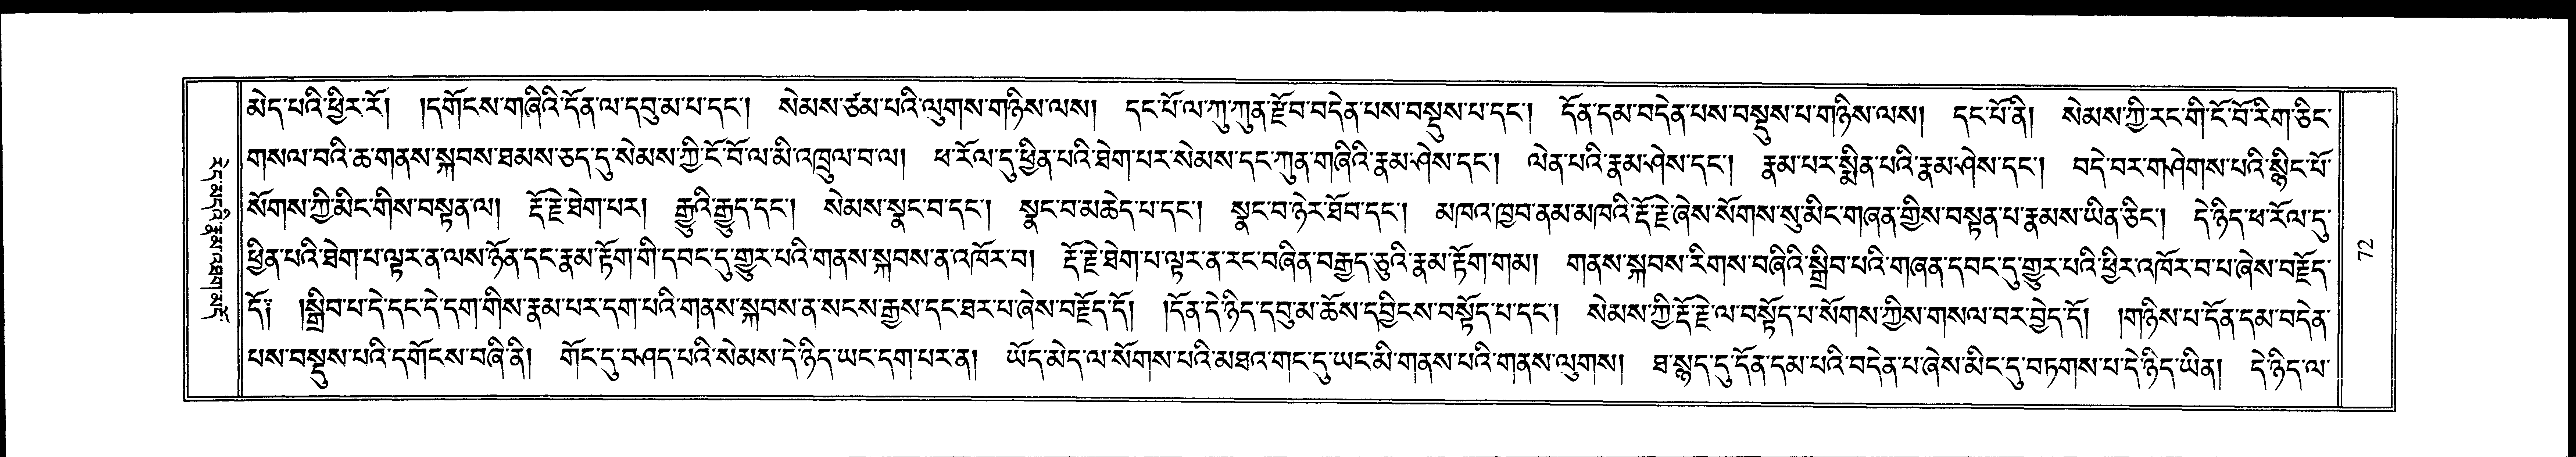མེད་པའི་ཕྱིར་རོ། །དགོངས་གཞིའི་དོན་ལ་དབུ་མ་པ་དང་། སེམས་ཙམ་པའི་ལུགས་གཉིས་ལས། དང་པོ་ལ་ཀུ་ཀུན་རྫོབ་བདེན་པས་བསྡུད་པ་དང་། དོན་དམ་བདེན་པས་བསྡུས་པ་གཉིས་ལས། དང་པོ་ནི། སེམས་ཀྱི་རང་གི་ངོ་བོ་རིག་ཅིང་
གསལ་བའི་ཆ་གནས་སྐབས་ཐམས་ཅད་དུ་སེམས་ཀྱི་ངོ་བོ་ལ་མི་འཁྲུལ་བ་ལ། ཕ་རོལ་དུ་ཕྱིན་པའི་ཐེག་པར་སེམས་དང་ཀུན་གཞིའི་རྣམ་ཤེས་དང་། ལེན་པའི་རྣམ་ཤེས་དང་། རྣམ་པར་སྨིན་པའི་རྣམ་ཤེས་དང་། བདེ་བར་གཤེགས་པའི་སྙིང་པོ་
སོགས་ཀྱི་མིང་གིས་བསྟན་ལ། རྡོ་རྗེ་ཐེག་པར། རྒྱུའི་རྒྱུད་དང་། སེམས་སྣང་བ་དང་། སྣང་བ་མཆེད་པ་དང་། སྣང་བ་ཉེར་ཐོབ་དང་། མཁའ་ཁྱབ་ནམ་མཁའི་རྡོ་རྗེ་ཞེས་སོགས་སུ་མིང་གཞན་གྱིས་བསྟན་པ་རྣམས་ཡིན་ཅིང་། དེ་ཉིད་ཕ་རོལ་དུ་
ཕྱིན་པའི་ཐེག་པ་ལྟར་ན་ལས་ཉོན་དང་རྣམ་རྟོག་གི་དབང་དུ་གྱུར་པའི་གནས་སྐབས་ན་འཁོར་བ། རྡོ་རྗེ་ཐེག་པ་ལྟར་ན་རང་བཞིན་བརྒྱད་ཅུའི་རྣམ་རྟོག་གམ། གནས་སྐབས་རིགས་བཞིའི་སྒྲིབ་པའི་གཞན་དབང་དུ་གྱུར་པའི་ཕྱིར་འཁོར་བ་པ་ཞེས་བརྗོད་
དོ། །སྒྲིབ་པ་དེ་དང་དེ་དག་གིས་རྣམ་པར་དག་པའི་གནས་སྐབས་ན་སངས་རྒྱས་དང་ཐར་པ་ཞེས་བརྗོད་དོ། །དོན་དེ་ཉིད་དབུ་མ་ཆོས་དབྱིངས་བསྟོད་པ་དང་། སེམས་ཀྱི་རྡོ་རྗེ་ལ་བསྟོད་པ་སོགས་ཀྱིས་གསལ་བར་བྱེད་དོ། །གཉིས་པ་དོན་དམ་བདེན་
པས་བསྡུས་པའི་དགོངས་བཞི་ནི། གོང་དུ་བཤད་པའི་སེམས་དེ་ཉིད་ཡང་དག་པར་ན། ཡོད་མེད་ལ་སོགས་པའི་མཐའ་གང་དུ་ཡང་མི་གནས་པའི་གནས་ལུགས། ཐ་སྙད་དུ་དོན་དམ་པའི་བདེན་པ་ཞེས་མིང་དུ་བཏགས་པ་དེ་ཉིད་ཡིན། དེ་ཉིད་ལ་